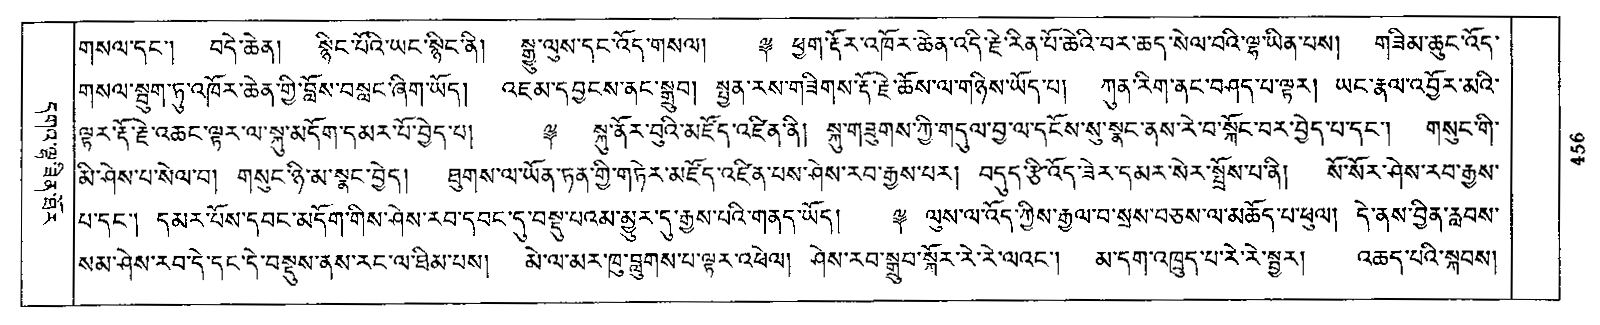གསལ་དང་། བདེ་ཆེན། སྙིང་པོའི་ཡང་སྙིང་ནི། སྒྱུ་ལུས་དང་འོད་གསལ། ༈ ཕྱག་རྡོར་འཁོར་ཆེན་འདི་རྗེ་རིན་པོ་ཆེའི་བར་ཆད་སེལ་བའི་ལྷ་ཡིན་པས། གཟིམ་ཆུང་འོད་
གསལ་སྦུག་ཏུ་འཁོར་ཆེན་གྱི་བློས་བསླང་ཞིག་ཡོད། འཇམ་དབྱངས་ནང་སྒྲུབ། སྤྱན་རས་གཟིགས་རྡོ་རྗེ་ཆོས་ལ་གཉིས་ཡོད་པ། ཀུན་རིག་ནང་བཤད་པ་ལྟར། ཡང་རྣལ་འབྱོར་མའི་
ལྟར་རྡོ་རྗེ་འཆང་ལྟར་ལ་སྐུ་མདོག་དམར་པོ་བྱེད་པ། ༈ སྐུ་ནོར་བུའི་མཛོད་འཛིན་ནི། སྐུ་གཟུགས་ཀྱི་གདུལ་བྱ་ལ་དངོས་སུ་སྣང་ནས་རེ་བ་སྐོང་བར་བྱེད་པ་དང་། གསུང་གི་
མི་ཤེས་པ་སེལ་བ། གསུང་ཉི་མ་སྣང་བྱེད། ཐུགས་ལ་ཡོན་ཏན་གྱི་གཏེར་མཛོད་འཛིན་པས་ཤེས་རབ་རྒྱས་པར། བདུད་རྩི་འོད་ཟེར་དམར་སེར་སྤྲོས་པ་ནི། སོ་སོར་ཤེས་རབ་རྒྱས་
པ་དང་། དམར་པོས་དབང་མདོག་གིས་ཤེས་རབ་དབང་དུ་བསྡུ་པའམ་མྱུར་དུ་རྒྱས་པའི་གནད་ཡོད། ༈ ལུས་ལ་འོད་ཀྱིས་རྒྱལ་བ་སྲས་བཅས་ལ་མཆོད་པ་ཕུལ། དེ་ནས་བྱིན་རླབས་
སམ་ཤེས་རབ་དེ་དང་དེ་བསྡུས་ནས་རང་ལ་ཐིམ་པས། མེ་ལ་མར་ཁུ་བླུགས་པ་ལྟར་འཕེལ། ཤེས་རབ་སྒྲུབ་སྐོར་རེ་རེ་ལའང་། མ་དག་འཁྲུད་པ་རེ་རེ་སྦྱར། འཆད་པའི་སྐབས།